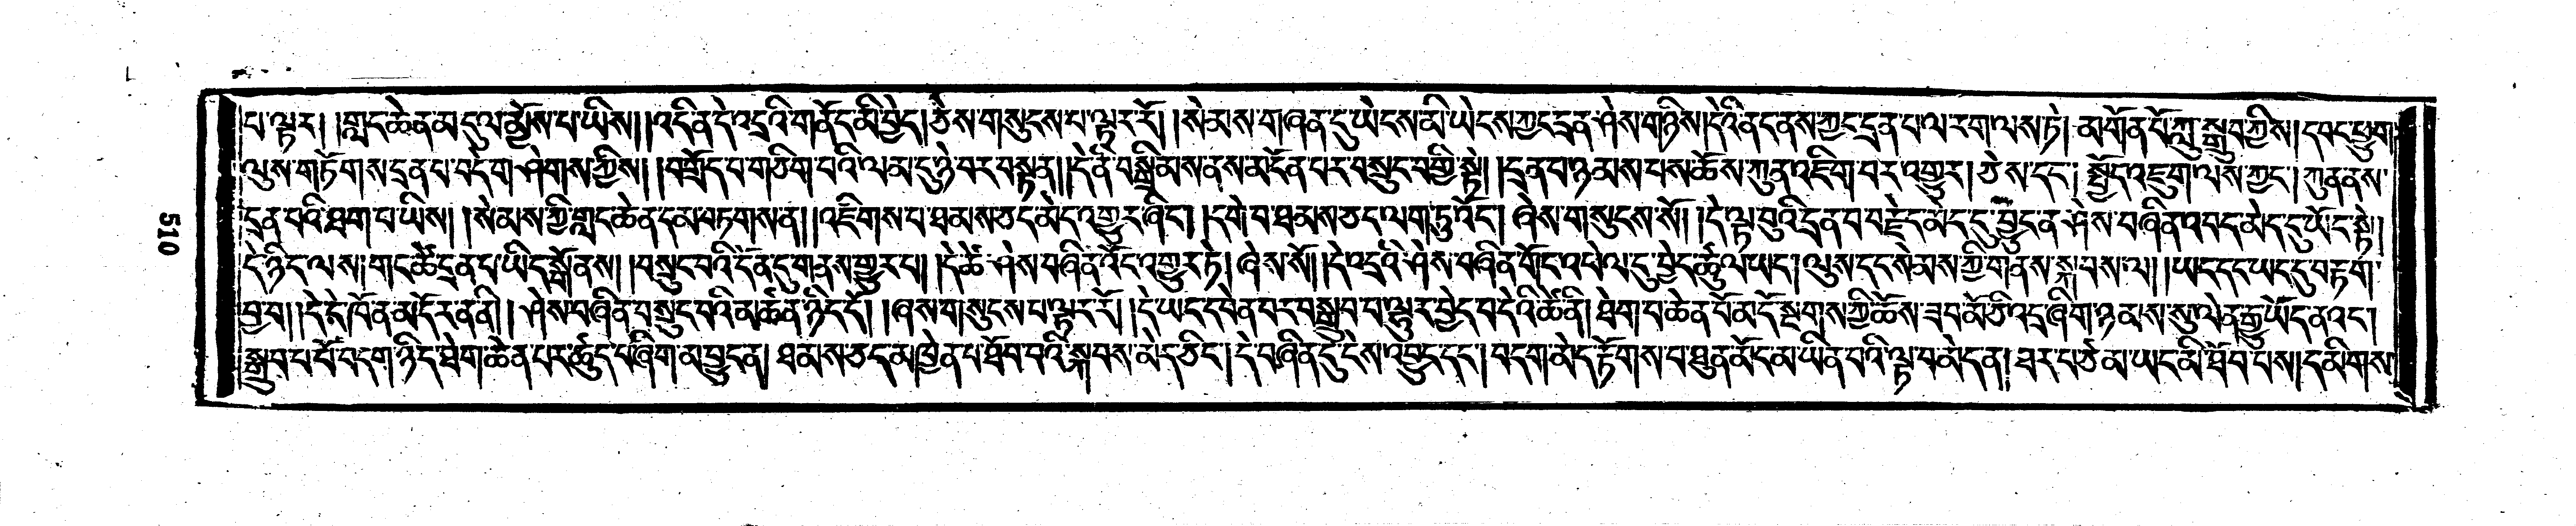པ་ལྟར། །གླང་ཆེན་མ་དུལ་མྱོས་པ་ཡིས། །འདི་ན་དེ་འདྲའི་གནོད་མི་བྱེད། ཅེས་གསུངས་པ་ལྟར་རོ། །སེམས་གཞན་དུ་ཡེངས་མི་ཡེངས་ཀྱང་དྲན་ཤེས་གཉིས། དེའི་ནང་ནས་ཀྱང་དྲན་པ་ལ་རག་ལས་ཏེ། མགོན་པོ་ཀླུ་སྒྲུབ་ཀྱིས། དབང་ཕྱུག་
ལུས་གཏོགས་དྲན་པ་བདེ་གཤེགས་ཀྱིས། །བགྲོད་པ་གཅིག་པའི་ཁམ་དུ་ཉེ་བར་བསྟན། །དེ་ནི་བསྒྲིམས་ནས་མངོན་པར་བསྲུང་བགྱི་སྟེ། །དྲན་པ་ཉམས་པས་ཆོས་ཀུན་འཇིག་པར་འགྱུར། ཅེས་དང་། སྤྱོད་འཇུག་ལས་ཀྱང་། ཀུན་ནས་
དྲན་པའི་ཐག་པ་ཡིས། །སེམས་ཀྱི་གླང་ཆེན་དམ་བཏགས་ན། །འཇིགས་པ་ཐམས་ཅད་མེད་འགྱུར་ཞིང་། །དགེ་བ་ཐམས་ཅད་ལག་ཏུ་འོང་། ཞེས་གསུངས་སོ། །དེ་ལྟ་བུའི་དྲན་པ་བརྗེད་མིང་དུ་བྱུང་ན་ཤེས་བཞིན་འབད་མེད་དུ་ཡོང་སྟེ།
དེ་ཉིད་ལས། གང་ཚེ་དྲན་པ་ཡིད་སྒོ་ནས། །བསྲུང་བའི་དོན་དུ་གནས་གྱུར་པ། །དེ་ཚེ་ཤེས་བཞིན་འོང་འགྱུར་ཏེ། ཞེས་སོ། །དེ་འདྲའི་ཤེས་བཞིན་གོང་འཕེལ་དུ་བྱེད་ཚུལ་ཡང་། ལུས་དང་སེམས་ཀྱི་གནས་སྐབས་ལ། །ཡང་དང་ཡང་དུ་བརྟག་
བྱ་བ། །དེ་དེ་ཁོ་ན་མདོར་ན་ནི། །ཤེས་བཞིན་བསྲུང་བའི་མཚན་ཉིད་དོ། །ཞེས་གསུངས་པ་ལྟར་རོ། །དེ་ཡང་དབེན་པར་བསྒྲུབ་པ་ལྷུར་བྱེད་པ་དེའི་ཚེ་ནི། ཐེག་པ་ཆེན་པོ་མདོ་སྔགས་ཀྱི་ཆོས་ཟབ་མོ་ཅི་འདྲ་ཞིག་ཉམས་སུ་ལེན་རྒྱུ་ཡོད་ནའང་།
སྒྲུབ་པ་པོ་བདག་ཉིད་ཐེག་ཆེན་པར་ཚུད་པ་ཞིག་མ་བྱུང་ན། ཐམས་ཅད་མཁྱེན་པ་ཐོབ་པའི་སྐབས་མེད་ཅིང་། དེ་བཞིན་དུ་ངེས་འབྱུང་དང་། བདག་མེད་རྟོགས་པ་ཐུན་མོང་མ་ཡིན་པའི་ལྟ་བ་མེད་ན། ཐར་པ་ཙམ་ཡང་མི་ཐོབ་པས། དམིགས་